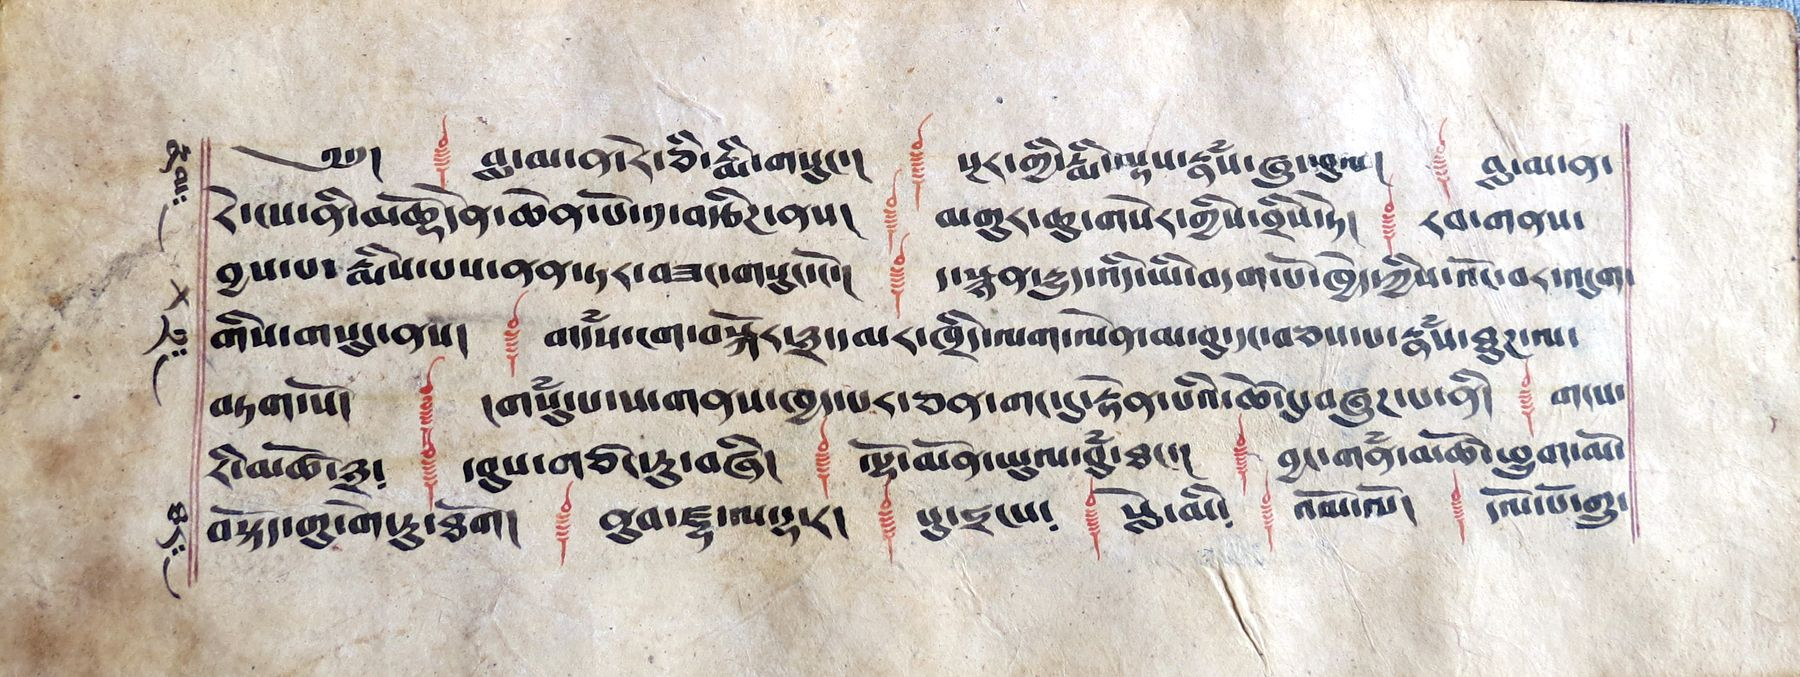བླ་མས་ན་རེ་ཅི་རྨིས་གསུངས། སྔར་གྱི་རྨིས་ལྟས་ཞུ་བ་ཕུལ། བླ་མ་ན་
རེ་ངས་ནི་མཆོད་རྟེན་ཆེན་པོ་གཅིག་བརྩེགས་ནས། མགུལ་ཆུ་གསེར་གྱི་བྲིས་ཏེ། རབ་གནས་
བྱས་པ་རྨིས་པས། ནན་ཏར་བཟང་གསུངས་སོ། ། ད་སྙན་རྒྱུད་འདིའི་བདག་པོ་ཁྱོད་ཀྱིས་འོང་པར་འདུག་
གི་གསུངས་ནས། གདམས་ངག་སྐོར་དམར་ཁྲིད་ལག་ལེན་མ་བུ་དང་བཅས་པ་རྣམས་ཐུགས་ལ་
བཏགས་སོ། ། གསུམ་པ་ས་གནས་ཁྱད་པར་ཅན་གང་དུ་བཞུགས་པ་ནི། གངས་
རི་མཚོ་གསུམ། དབུས་གཙང་རུ་བཞི། ལྷོ་མོན་ཡུལ་འབུམ་ཐང་། བྱང་གནམ་མཚོ་ཕྱུག་མོ། 
སྟོད་གུ་གེ་རུ་ཐོག ནུབ་ཛཱ་ལ་རྡ་ར། པུ་ཧྲང་སླེ་ནི། འོམ་ལོ། དོལ་པོ་གྲུ་